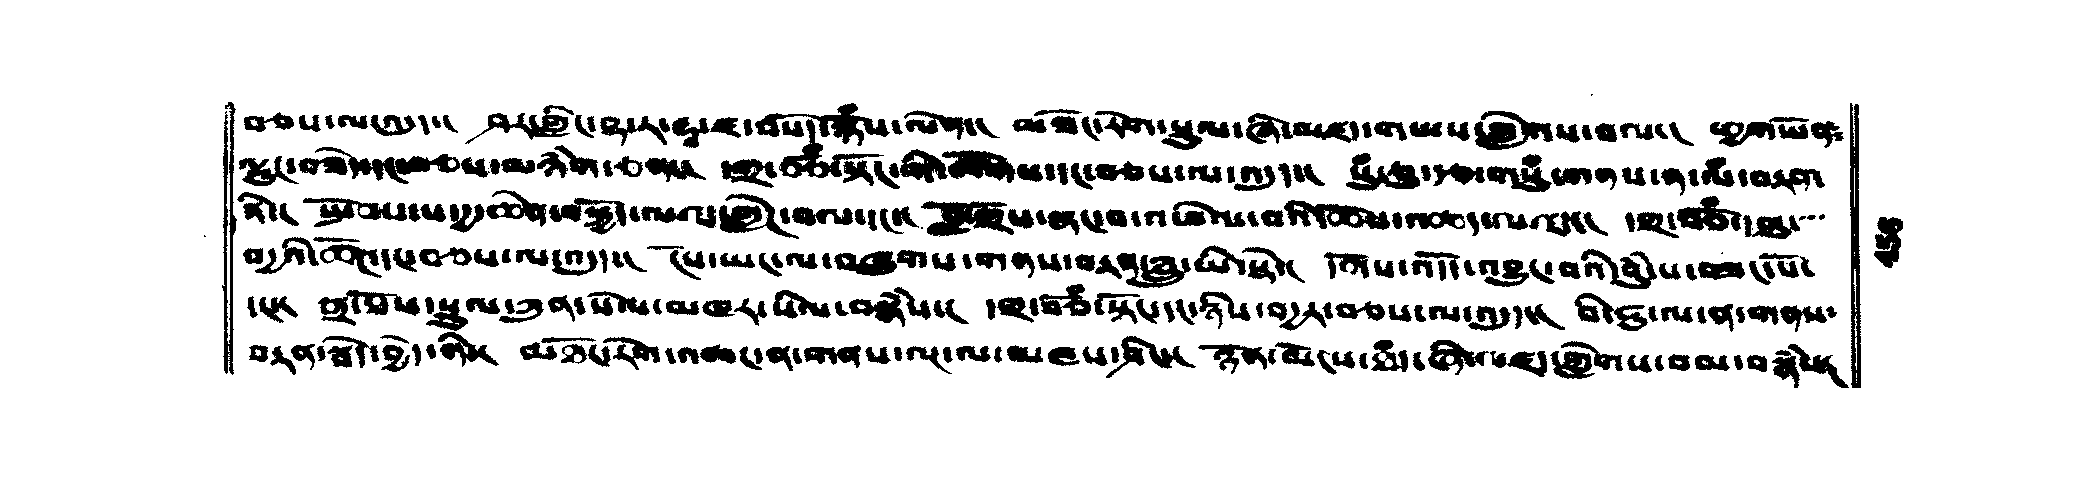བཅས་ལ་འདུད། །ཤར་གླིང་བྷ་ར་དྷྭ་ཛ་བསོད་སྙོམས་ལེན། །མཐོང་རེག་སྡུག་བསྔལ་ཞི་མཛད་གཡས་གླེགས་བམ། །ཕྱག་གཡོན་
ལྷུང་བཟེད་དང་བཅས་མཉམ་གཞག་ཅན། །དགྲ་བཅོམ་སྟོང་གི་ཚོགས་དང་བཅས་ལ་འདུད། །སུམ་ཅུ་རྩ་གསུམ་གནས་ན་ལམ་བརྟན་
ཏེ། །སྤོབས་པ་རྒྱ་ཆེར་བསྐྱེད་མཛད་གླེགས་བམ་དང་། །བློ་གྲོས་སྣང་བ་འཕེལ་བའི་ཆོས་འཆད་མཛད། །དགྲ་བཅོམ་དགུ་
བརྒྱའི་ཚོགས་དང་བཅས་ལ་འདུད། །ངཽས་ཡངས་ལ་བཞུགས་གནས་བརྟན་ཀླུ་ཡི་སྡེ། །དགོས་འདོད་འབྱུང་བའི་བུམ་པ་བཟང་པོ་
དང་། །སྒྲ་ཐོས་སྡུག་བསྔལ་ཀུན་སེལ་མཁར་སིལ་བསྣམས། །དགྲ་བཅོམ་སྟོང་དང་ཉིས་བརྒྱ་བཅས་ལ་འདུད། །བི་ཧུ་ལ་ན་གནས་
བརྟན་སྦེད་བྱེད་ནི། །མཐོང་རེག་འཆང་ན་གནས་ལྔ་ལ་མཁས་ཤིང་། ཉོན་མོངས་ཐམས་ཅད་ཞི་མཛད་གླེགས་བམ་བསྣམས། །